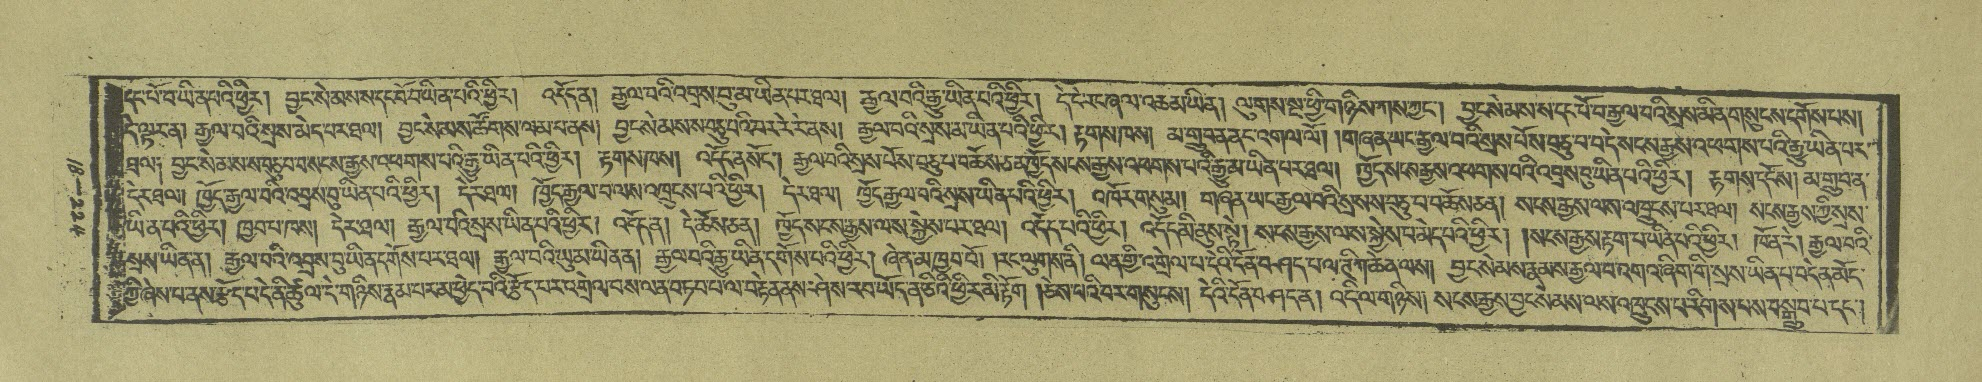དང་པོ་བ་ཡིན་པའི་ཕྱིར། བྱང་སེམས་ས་དང་པོ་བ་ཡིན་པའི་ཕྱིར། འདོད་ན། རྒྱལ་བའི་འབྲས་བུ་མ་ཡིན་པར་ཐལ། རྒྱལ་བའི་རྒྱུ་ཡིན་པའི་ཕྱིར། དེ་ངེ་རང་ཞལ་འཆམ་ཡིན། ལུགས་སྔ་ཕྱི་གཉིས་ཀས་ཀྱང་། བྱང་སེམས་ས་དང་པོ་བ་རྒྱལ་བའི་སྲས་མིན་གསུངས་དགོས་པས།
དེ་ལྟར་ན། རྒྱལ་བའི་སྲས་མེད་པར་ཐལ། བྱང་སེམས་ཚོགས་ལམ་པ་ནས། བྱང་སེམས་ས་བཅུ་པའི་བར་རེ་རེ་ནས། རྒྱལ་བའི་སྲས་མ་ཡིན་པའི་ཕྱིར། རྟགས་ཁས། མ་གྲུབ་ན་ནང་འགལ་ལོ། །གཞན་ཡང་རྒྱལ་བའི་སྲས་པོས་བཅུ་པ་བ་དེ་སངས་རྒྱས་འཕགས་པའི་རྒྱུ་ཡིན་པར་
ཐལ། བྱང་སེམས་ས་བཅུ་པ་བ་སངས་རྒྱས་འཕགས་པའི་རྒྱུ་ཡིན་པའི་ཕྱིར། རྟགས་ཁས། འདོད་ན་སོང་། རྒྱལ་བའི་སྲས་པོ་ས་བཅུ་པ་བ་ཆོས་ཅན་ཁྱོད་སངས་རྒྱས་འཕགས་པའི་རྒྱུ་མ་ཡིན་པར་ཐལ། ཁྱོད་སངས་རྒྱས་འཕགས་པའི་འབྲས་བུ་ཡིན་པའི་ཕྱིར། རྟགས་དངོས། མ་གྲུབ་ན་
དེར་ཐལ། ཁྱོད་རྒྱལ་བའི་འབྲས་བུ་ཡིན་པའི་ཕྱིར། དེར་ཐལ། ཁྱོད་རྒྱལ་བ་ལས་འཁྲུངས་པའི་ཕྱིར། དེར་ཐལ། ཁྱོད་རྒྱལ་བའི་སྲས་ཡིན་པའི་ཕྱིར། འཁོར་གསུམ། གཞན་ཡང་རྒྱལ་བའི་སྲས་ས་བཅུ་པ་བ་ཆོས་ཅན། སངས་རྒྱས་ལས་འཁྲུངས་པར་ཐལ། སངས་རྒྱས་ཀྱི་སྲས་
ཡིན་པའི་ཕྱིར། ཁྱབ་པ་ཁས། དེར་ཐལ། རྒྱལ་བའི་སྲས་ཡིན་པའི་ཕྱིར། འདོད་ན། དེ་ཆོས་ཅན། ཁྱོད་སངས་རྒྱས་ལས་སྐྱེས་པར་ཐལ། འདོད་པའི་ཕྱིར། འདོད་མི་ནུས་སྟེ། སངས་རྒྱས་ལས་སྐྱེས་པ་མེད་པའི་ཕྱིར། །སངས་རྒྱས་རྟག་པ་ཡིན་པའི་ཕྱིར། ཁོ་ན་རེ། རྒྱལ་བའི་
སྲས་ཡིན་ན། རྒྱལ་བའི་འབྲས་བུ་ཡིན་དགོས་པར་ཐལ། རྒྱལ་བའི་ཡུམ་ཡིན་ན། རྒྱལ་བའི་རྒྱུ་ཡིན་དགོས་པའི་ཕྱིར། ཞེ་ན་མ་ཁྱབ་བོ། །རང་ལུགས་ནི། ལན་གྱི་འགྲེལ་བ་དེའི་དོན་བཤད་པ་ལ་ཊིཀ་ཆེན་ལས། བྱང་སེམས་རྣམས་རྒྱལ་བ་འགའ་ཞིག་གི་སྲས་ཡིན་པ་བདེན་མོད་
ཀྱི་ཞེས་པ་ནས་རྩོད་པ་དེ་ནི་ཚུལ་དེ་གཉིས་རྣམ་པར་མ་ཕྱེད་པའི་རྩོད་པར་འགྲེལ་པས་ལན་བཏབ་པ་ལ་བརྟེན་ནས་ཤེས་རབ་ཡོད་ན་ཅིའི་ཕྱིར་མི་རྟོག །ཅེས་པའི་བར་གསུངས། དེའི་དོན་བཤད་ན། འདི་ལ་གཉིས། སངས་རྒྱས་བྱང་སེམས་ལས་འཁྲུངས་པ་རིགས་པས་བསྒྲུབ་པ་དང་།